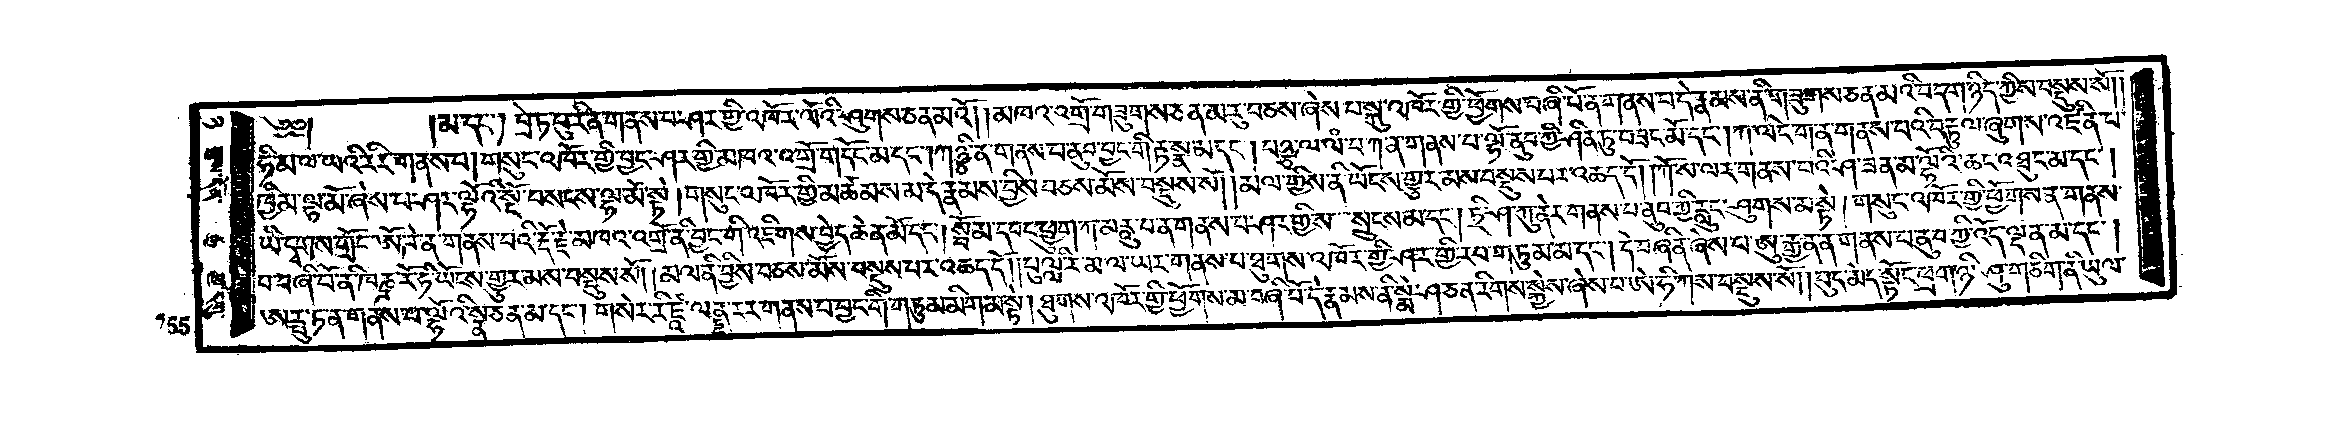༄༅། །མ་དང་། པྲེ་ཏ་པུ་རི་ན་གནས་པ་ཤར་གྱི་འཁོར་ལོའི་ཤུགས་ཅན་མའོ། །མཁའ་འགྲོ་གཟུགས་ཅན་མ་རུ་བཅས་ཞེས་པ་སྐུ་འཁོར་གྱི་ཕྱོགས་བཞི་པོ་ན་གནས་པ་དེ་རྣམས་ནི་གཟུགས་ཅན་མའི་བདག་ཉིད་ཀྱིས་བསྡུས་སོ། །
ཧི་མ་ལ་ཡའི་རིར་གནས་པ། གསུང་འཁོར་གྱི་བྱང་ཤར་གྱི་མཁའ་འགྲོ་གདོང་མ་དང་། ཀཉྩི་ན་གནས་པ་ནུབ་བྱང་གི་རྟ་སྣ་མ་དང་། པཉྩ་ལ་ལཾ་པ་ཀ་ན་གནས་པ་ལྷོ་ནུབ་ཀྱི་ཤིན་ཏུ་བཟང་མོ་དང་། ཀ་ལིང་ག་ན་གནས་པའི་བརྟུལ་ཞུགས་འཛིན་པ་
ཁྱིམ་ལྷ་མོ་ཞེས་པ་ཤར་ལྷོའི་སྔོ་བསངས་ལྷ་མོ་སྟེ། གསུང་འཁོར་གྱི་མཚམས་མ་དེ་རྣམས་བྱིས་བཅས་མོས་བསྡུས་སོ། །མལ་གྱིས་ནི་ཡོངས་གྱུར་མས་བསྡུས་པར་འཆད་དོ། །ཀོ་ས་ལར་གནས་པའི་ཤ་ཟན་མ་ལྷོའི་ཆང་འཐུང་མ་དང་།
ཡི་དྭགས་གྲོང་ཨོ་ཊེ་ན་གནས་པའི་རྡོ་རྗེ་མཁའ་འགྲོ་ནི་བྱང་གི་འཇིགས་བྱེད་ཆེན་མོ་དང་། སྦོམ་དབང་ཕྱུག་ཀ་མརཱུ་པ་ན་གནས་པ་ཤར་གྱིས་སྲུངས་མ་དང་། ཏྲི་ཤ་ཀུ་ནེར་གནས་པ་ནུབ་ཀྱི་རླུང་ཤུགས་མ་སྟེ། གསུང་འཁོར་གྱི་ཕྱོགས་ན་གནས་
པ་བཞི་པོ་ནི་ཁཎྜ་རོ་ཧི་ཡོངས་གྱུར་མས་བསྡུས་སོ། །མལ་ནི་བྱིས་བཅས་མོས་བསྡུས་པར་འཆད་དོ། །པུལླ་རི་མ་ལ་ཡར་གནས་པ་ཐུགས་འཁོར་གྱི་ཤར་གྱི་རབ་གཏུམ་མ་དང་། དེ་བཞིན་ཞེས་པ་ཨུ་རྒྱན་ན་གནས་པ་ནུབ་ཀྱི་འོད་ལྡན་མ་དང་།
ཨརྤུ་ཏ་ན་གནས་པ་ལྷོའི་སྣ་ཅན་མ་དང་། གསེར་རི་ཛཱ་ལནྡྷ་རར་གནས་པ་བྱང་གི་གཏུམ་མིག་མ་སྟེ། ཐུགས་འཁོར་གྱི་ཕྱོགས་མ་བཞི་པོ་དེ་རྣམས་ནི་སྨེ་ཤ་ཅན་རིགས་སྐྱེས་ཞེས་པ་ཨེ་ཧི་ཀས་བསྡུས་སོ། །བུད་མེད་སྟོང་ཕྲག་ཉི་ཤུ་གཅིག་ནི་ཡུལ་